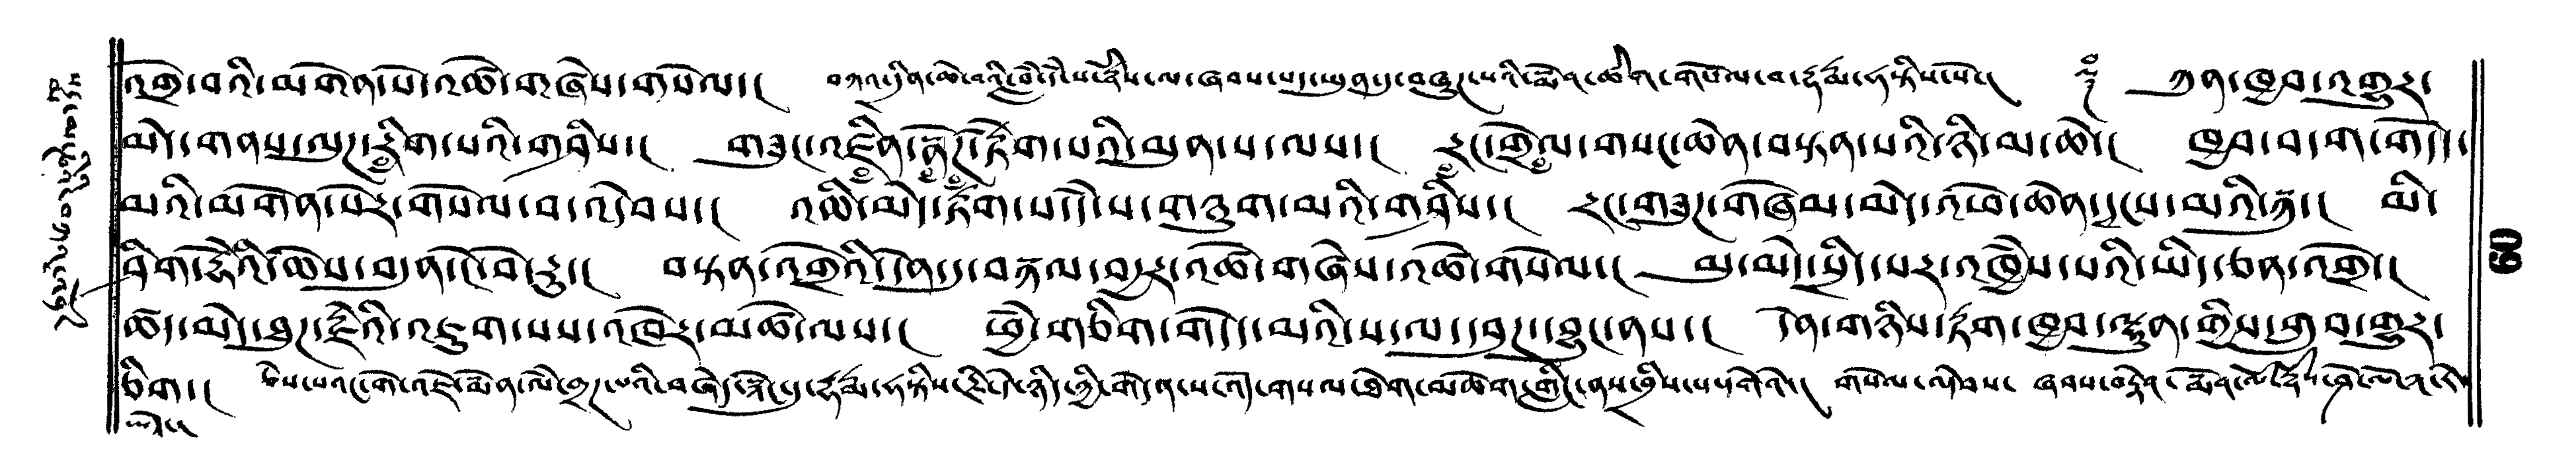འགྲོ་བའི་མགོན་པོ་འཚོ་གཞེས་གསོལ། །བཀའ་དྲིན་ཆེ་བའི་བླ་མ་དམ་པ་རྣམས་ལ་ཞབས་པད་ཡུན་དུ་བཞུགས་པའི་སྨོན་ཚིག་ཏུ་གསོལ་བ་དྷརྨ་ཧསྟིས་སོ།། ༈ ཀུན་ཁྱབ་འགྱུར་
མེད་གནས་ལུགས་རིག་པའི་གཤིས། །གཟུང་འཛིན་སྣ་ཚོགས་རྟོག་པའི་མུན་པ་ལས། །རང་གྲོལ་གསང་ཆེན་བསྟན་པའི་ཉི་མ་ཆེ། །ཁྱབ་བདག་གདོད་
མའི་མགོན་པོར་གསོལ་བ་འདེབས། །འཆི་མེད་རྟག་པ་དམ་པ་གཉུག་མའི་གཤིས། །རང་གཟུགས་གཞོམ་མེད་འཕོ་ཆེན་དྭངས་མའི་སྐུ། །མི་
ཤིག་རྡོ་རྗེའི་ཆོས་བདུན་ངོ་བོ་རུ། །བསྟན་འགྲོའི་དོན་དུ་བསྐལ་བརྒྱར་འཚོ་གཞེས་འཚོ་གསོལ། །མུ་མེད་སྲིད་པར་འཁྱམས་པའི་ཡིད་ཅན་འགྲོ། །
ཚད་མེད་ཐུགས་རྗེའི་འཇུག་པས་འཁོར་མཚོ་ལས། །ཕྱམ་གཅིག་གདོད་མའི་ས་ལ་དབུགས་བྱུང་ནས། །དོན་གཉིས་རྟག་ཁྱབ་ལྷུན་གྱིས་གྲུབ་གྱུར་
ཅིག །ཅེས་པའང་གོ་འཇོ་སྨོན་ལམ་གྲགས་པའི་བཞེད་སྐོང་དུ་དྷརྨ་ཧསྟིས་རྗེ་དེ་ཉིད་ཀྱི་གདན་ས་འོད་གསལ་ཐེག་མཆོག་གླིང་ནས་བྲིས་པ་དགེའོ།།གསོལ་འདེབས། ཞབས་བརྟན། སྨོན་ལམ་རྣམས་ལ་ཤོ་ལོ་ཀ་རེ་རེ་ཡོད།